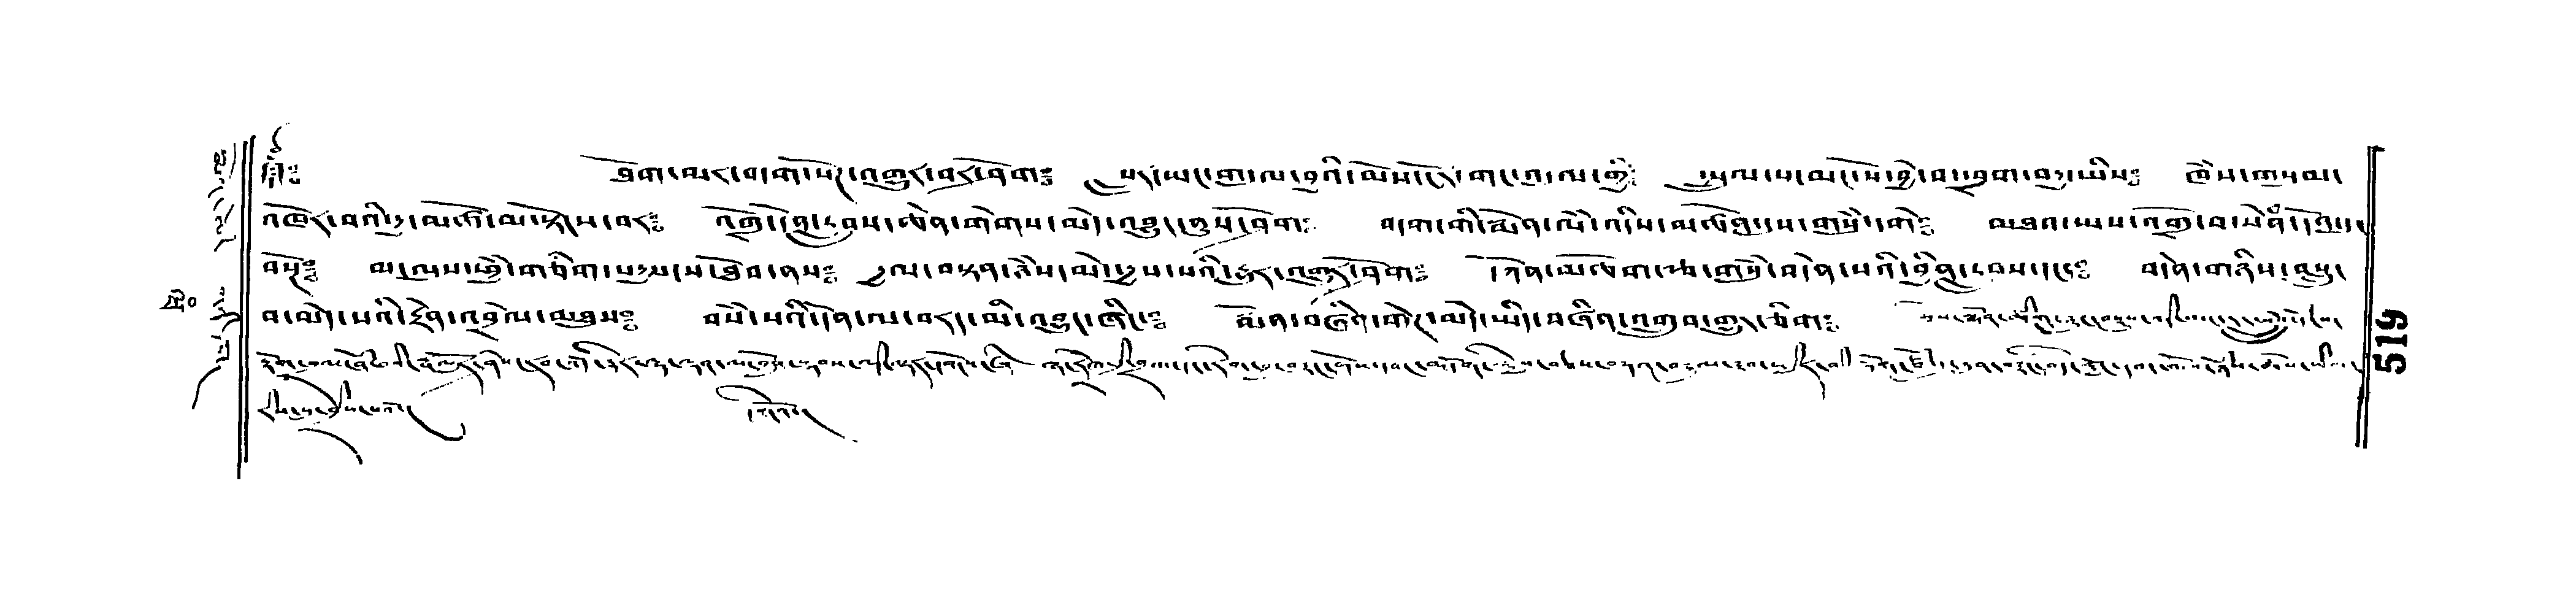ཐོག་མར་བདག་སོགས་འགྱུར་བར་ཤོག༔ སླར་ཡང་གདུལ་བྱའི་མོས་ངོར་གང་འདུལ་གྱི༔ སྤྲུལ་པ་མང་པོ་བྱེ་བ་ཕྲག་བརྒྱ་ཡིས༔ ཁམས་གསུམ་
འཁོར་བའི་རྒྱ་མཚོ་མ་སྟོངས་བར༔ འགྲོ་དོན་རླབས་ཆེན་གེགས་མེད་འབྱུང་ནུས་ཤོག༔ བདག་གི་སྨོན་ལམ་འདིས་མཚོན་དུས་གསུམ་དགེ༔ མཐའ་ཡས་འགྲོ་བ་སེམས་ཅན་དོན་དུ་
བསྔོ༔ མ་ལུས་ཕྱམ་གཅིག་སངས་རྒྱས་པ་ཐོབ་ནས༔ རྒྱལ་བསྟན་ཉམས་མེད་རྒྱས་པའི་རྒྱུར་འགྱུར་ཤོགཿ དཀོན་མཆོག་རྩ་གསུམ་བདེན་པའི་བྱིན་རླབས་དང༔ བདེན་གཉིས་བསླུ་
བ་མེད་པའི་རྟེན་འབྲེལ་མཐུས༔ བསམ་པའི་དོན་ལ་བར་ཆད་མི་འབྱུང་ཞིང༔ སྨོན་བཞིན་གེགས་མེད་ཡིད་བཞིན་འགྲུབ་གྱུར་ཅིག༔ ཅེས་སྨོན་ཚིག་ཉུང་བསྡུས་འདི་ཡང་རང་སློབ་དམ་པ་
རྟོག་བྲལ་ནམ་བའི་རྣལ་འབྱོར་ཤེས་རབ་འོད་ཟེར་ལྷ་ལྡན་ལ་བྱོན་སྐབས་འདི་ལྟར་དགོས་ཞེས་ལྷ་རེག་དྲི་བྲལ་དང་རེག་བྱ་བཟང་གོས་དབང་མདོག་གི་སྐྱེས་བཅས་བཀའ་བསྐུལ་ཟབ་ཕྱིར་མ་ལྡོག་ཙམ་དུ་ཀུན་བཟང་བདེ་སྐྱོང་དབང་མོས་ཉམས་ཆོས་ཡིག་
རིས་སུ་བྲིས་པའོ།། དགེའོ།།